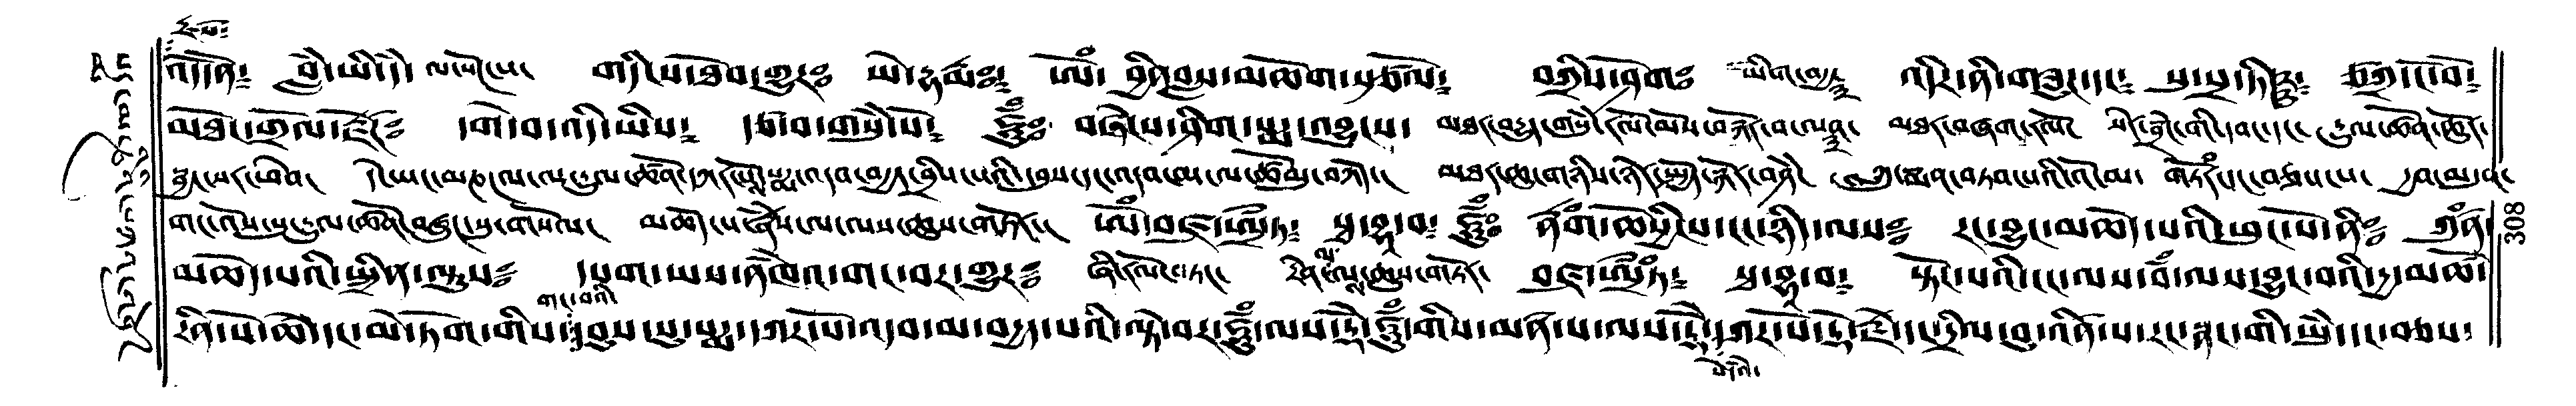རྫས་འདོད་ཡོན༴ བླ་མ་ཡི་དམ༴ ལ་སོགས་པ། གདིང་ཐོབ་གྱུར། ཡེ་དྷརྨ༴ ཨོཾ། བྱིན་རླབས་མཆོག་སྩོལ༴ བཀྲ་ཤིས་ཤོག ཡིག་བརྒྱ་གསུམ། འདིར་ནི་གཟུགས་དང༴ སུ་པྲ་ཏིཥྛ༴ ཙཀྲ་ངོ་བོ༴ 
མཐོང་གྲོལ་རྫོགས། དགེ་བ་འདི་ཡིས༴ རྩ་བ་གསུམ་པོ༴ ཧཱུྃ། བཞེངས་ཤིག་པདྨ་འབྱུང༴ མཐར་བརྒྱུད་གསུམ་རོལ་མོས་སྐོར་བ་ལན་གསུམ། མཐར་བཞག་རོལ། སེར་ཕྲེང་གི་དབང་དང་རྡུལ་ཚོན་ཆུ་བོར་
སྦྱང་པར་ཕེབས། དེ་ཡང་མཎྜལ་ལ་རྡུལ་ཚོན་དཀར་པོས་པདྨ་འདབ་བརྒྱད་བྲིས་པའི་དབུས་དང་འདབ་མ་ལ་ཚོམ་བུ་དགཽད། མཐར་ཆུ་གཉིས་ཉེར་སྤྱོད་བསྐོར་བཤམ། ཀླུ་སྨན་བཏབ་པའི་འོ་མ། གཏོར་མ་དང་བཅས་པ། རྒྱབ་མདུན་
གང་འོས་སུ་རྡུལ་ཚོན་བཞུགས་སུ་གསོལ། མཆོད་པ་རྣམས་ལ་ལས་ཆུས་གཏོར། ཨོཾ་བཛྲ་ཨ་མྲྀ་ཏ༴ སྭ་བྷཱ་ཝ༴ ཧཱུྃ། རྣམ་དག་ཆོས་དབྱིངས་ངང་ཉིད་ལས། །རང་བྱུང་ཆོད་པའི་ཕུང་པོ་ནི། །ཀུན་བཟང་
མཆོད་པའི་སྤྲིན་ལྟ་བུས། །དཔག་ཡས་ནམ་མཁའ་གང་བར་གྱུར། །ཞི་རོལ། རྟེན་ལ་ལས་ཆུས་གཏོར། བཛྲ་ཨ་མྲྀ་ཏ༴ སྭ་བྷཱ་ཝ༴ སྟོང་པའི་ངང་ལས་བྃ་ལས་བྱུང་བའི་རྒྱ་མཚོ་
རིན་པོ་ཆེ་དང་མེ་ཏོག་གིས་གང་བའི་དབུས་སུ་པདྨ་དཀར་པོ་འདབ་མ་བརྒྱད་པའི་ལྟེ་བར་ཧཱུྃ་ལས་རྡོ་རྗེ་ཧཱུྃ་གིས་མཚན་པ་ལས་རྡོ་རྗེ་སེམས་དཔའ་དཀར་པོ་རྡོ་རྗེ་དང་དྲིལ་བུ་འཛིན་པ་རང་སྣང་གི་ཡུམ་དང་བཅས་